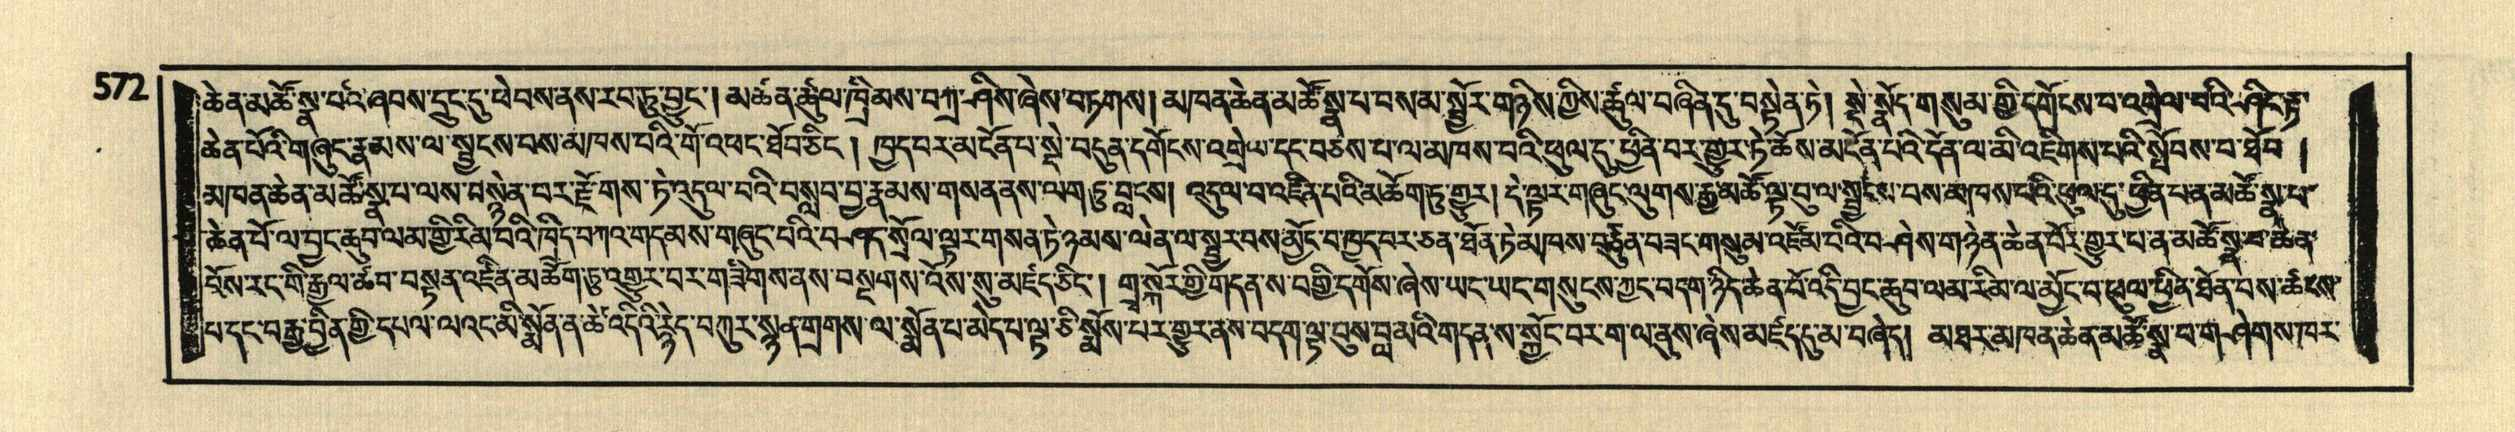ཆེན་མཚོ་སྣ་པའི་ཞབས་དྲུང་དུ་ཕེབས་ནས་རབ་ཏུ་བྱུང་། མཚན་ཚུལ་ཁྲིམས་བཀྲ་ཤིས་ཞེས་བཏགས། མཁན་ཆེན་མཚོ་སྣ་པ་བསམ་སྦྱོར་གཉིས་ཀྱིས་ཚུལ་བཞིན་དུ་བསྟེན་ཏེ། སྡེ་སྣོད་གསུམ་གྱི་དགོངས་བ་འགྲེལ་བའི་ཤིང་རྟ་
ཆེན་པོའི་གཞུང་རྣམས་ལ་སྦྱངས་བས་མཁས་པའི་གོ་འཕང་ཐོབ་ཅིང་། ཁྱད་བར་མངོན་པ་སྡེ་བདུན་དགོངས་འགྲེལ་དང་བཅས་པ་ལ་མཁས་པའི་ཕུལ་དུ་ཕྱིན་བར་གྱུར་ཏེ་ཆོས་མངོན་པའི་དོན་ལ་མི་འཇིགས་པའི་སྤོབས་བ་ཐོབ་།
མཁན་ཆེན་མཚོ་སྣ་པ་ལས་བསྙེན་པར་རྫོགས་ཏེ་འདུལ་བའི་བསླབ་བྱ་རྣམས་གསན་ནས་ལག་ཏུ་བླངས། འདུལ་བ་འཛིན་པའི་མཆོག་ཏུ་གྱུར། དེ་ལྟར་གཞུང་ལུགས་རྒྱ་མཚོ་ལྟ་བུ་ལ་སྦྱངས་བས་མཁས་པའི་ཕུལ་དུ་ཕྱིན་པ་ན་མཚོ་སྣ་པ་
ཆེན་པོ་ལ་བྱང་ཆུབ་ལམ་གྱི་རིམ་བའི་ཁྲིད་བཀའ་གདམས་གཞུང་པའི་བཤད་སྲོལ་ལྟར་གསན་ཏེ་ཉམས་ལེན་ལ་སྦྱར་བས་མྱོང་བ་ཁྱད་པར་ཅན་ཐོན་ཏེ་མཁས་བཙུན་བཟང་གསུམ་འཛོམ་བའི་བཤེས་གཉེན་ཆེན་བོར་གྱུར་པ་ན་མཚོ་སྣ་བ་ཆེན་
བོས་རང་གི་རྒྱལ་ཚབ་བསྟན་འཛིན་མཆོག་ཏུ་འགྱུར་བར་གཟིགས་ནས་བསྔགས་འོས་སུ་མཛད་ཅིང་། གྲྭ་སྐོར་གྱི་གདན་ས་བགྱི་དགོས་ཞེས་ཡང་ཡང་གསུངས་ཀྱང་བདག་ཉིད་ཆེན་པོ་འདི་བྱང་ཆུབ་ལམ་རིམ་ལ་མྱོང་བ་ཕུལ་ཕྱིན་ཐོན་པས་ཚངས་
པ་དང་བརྒྱ་བྱིན་གྱི་དཔལ་ལའང་མི་སྨོན་ན་ཚེ་འདིའི་རྙེད་བཀུར་སྙན་གྲགས་ལ་སྨོན་པ་མེད་པ་ལྟ་ཅི་སྨོས་པར་གྱུར་ནས་བདག་ལྟ་བུས་བླ་མའི་གདན་ས་སྐྱོང་བར་ག་ལ་ནུས་ཞེས་མཛད་དུ་མ་བཞེད། མཐར་མཁན་ཆེན་མཚོ་སྣ་བ་གཤེགས་ཁར་